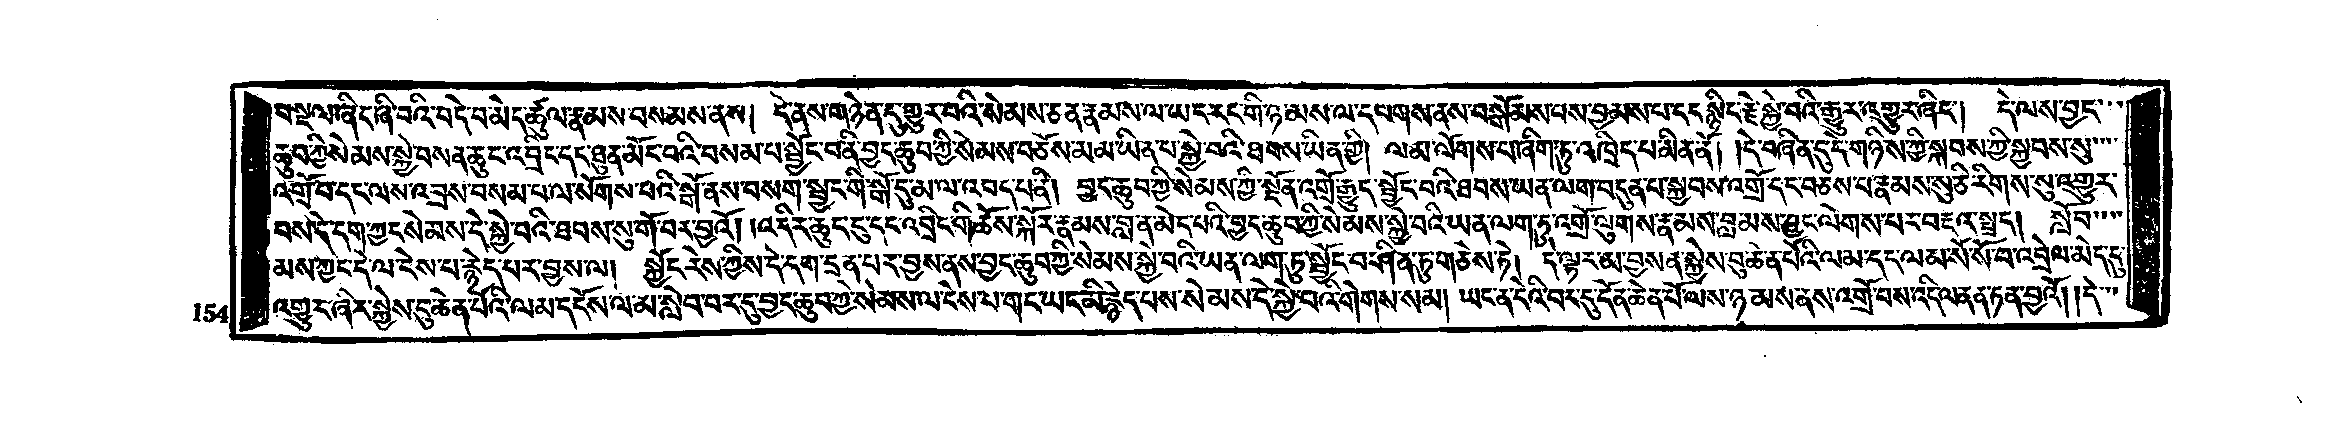བསྔལ་ཞིང་ཞི་བའི་བདེ་བ་མེད་ཚུལ་རྣམས་བསམས་ནས། དེ་ནས་གཉེན་དུ་གྱུར་པའི་སེམས་ཅན་རྣམས་ལ་ཡང་རང་གི་ཉམས་ལ་དཔགས་ནས་བསྒོམས་པས་བྱམས་པ་དང་སྙིང་རྗེ་སྐྱེ་བའི་རྒྱུར་འགྱུར་ཞིང་། དེ་ལས་བྱང་
ཆུབ་ཀྱི་སེམས་སྐྱེ་བས་ན་ཆུང་འབྲིང་དང་ཐུན་མོང་བའི་བསམ་པ་སྦྱོང་བ་ནི་བྱང་ཆུབ་ཀྱི་སེམས་བཅོས་མ་མ་ཡིན་པ་སྐྱེ་བའི་ཐབས་ཡིན་གྱི། ལམ་ལོགས་པ་ཞིག་ཏུ་འཁྲིད་པ་མིན་ནོ། །དེ་བཞིན་དུ་དེ་གཉིས་ཀྱི་སྐབས་ཀྱི་སྐྱབས་སུ་
འགྲོ་བ་དང་ལས་འབྲས་བསམ་པ་ལ་སོགས་པའི་སྒོ་ནས་བསག་སྦྱང་གི་སྒོ་དུ་མ་ལ་འབད་པ་ནི། བྱང་ཆུབ་ཀྱི་སེམས་ཀྱི་སྔོན་འགྲོ་རྒྱུད་སྦྱོང་བའི་ཐབས་ཡན་ལག་བདུན་པ་སྐྱབས་འགྲོ་དང་བཅས་པ་རྣམས་སུ་ཅི་རིགས་སུ་འགྱུར་
བས་དེ་དག་ཀྱང་སེམས་དེ་སྐྱེ་བའི་ཐབས་སུ་གོ་བར་བྱའོ། །འདིར་ཆུང་ངུ་དང་འབྲིང་གི་ཆོས་སྐོར་རྣམས་བླ་ན་མེད་པའི་བྱང་ཆུབ་ཀྱི་སེམས་སྐྱེ་བའི་ཡན་ལག་ཏུ་འགྲོ་ལུགས་རྣམས་བླ་མས་ཀྱང་ལེགས་པར་བརྡའ་སྤྲད། སློབ་
མས་ཀྱང་དེ་ལ་ངེས་པ་རྙེད་པར་བྱས་ལ། སྐྱོང་རེས་ཀྱིས་དེ་དག་དྲན་པར་བྱས་ནས་བྱང་ཆུབ་ཀྱི་སེམས་སྐྱེ་བའི་ཡན་ལག་ཏུ་སྦྱོང་བ་ཤིན་ཏུ་གཅེས་ཏེ། དེ་ལྟར་མ་བྱས་ན་སྐྱེས་བུ་ཆེན་པོའི་ལམ་དང་ལམ་སོ་སོ་བ་འབྲེལ་མེད་དུ་
འགྱུར་ཞིང་སྐྱེས་དུ་ཆེན་པོའི་ལམ་དངོས་ལ་མ་སླེབ་བར་དུ་བྱང་ཆུབ་ཀྱི་སེམས་ལ་ངེས་པ་གང་ཡང་མི་རྙེད་པས་སེམས་དེ་སྐྱེ་བའི་གེགས་སམ། ཡང་ན་དེའི་བར་དུ་དོན་ཆེན་པོ་ལས་ཉམས་ནས་འགྲོ་པས་འདི་ལན་ན་ཏན་བྱའོ། །དེ་